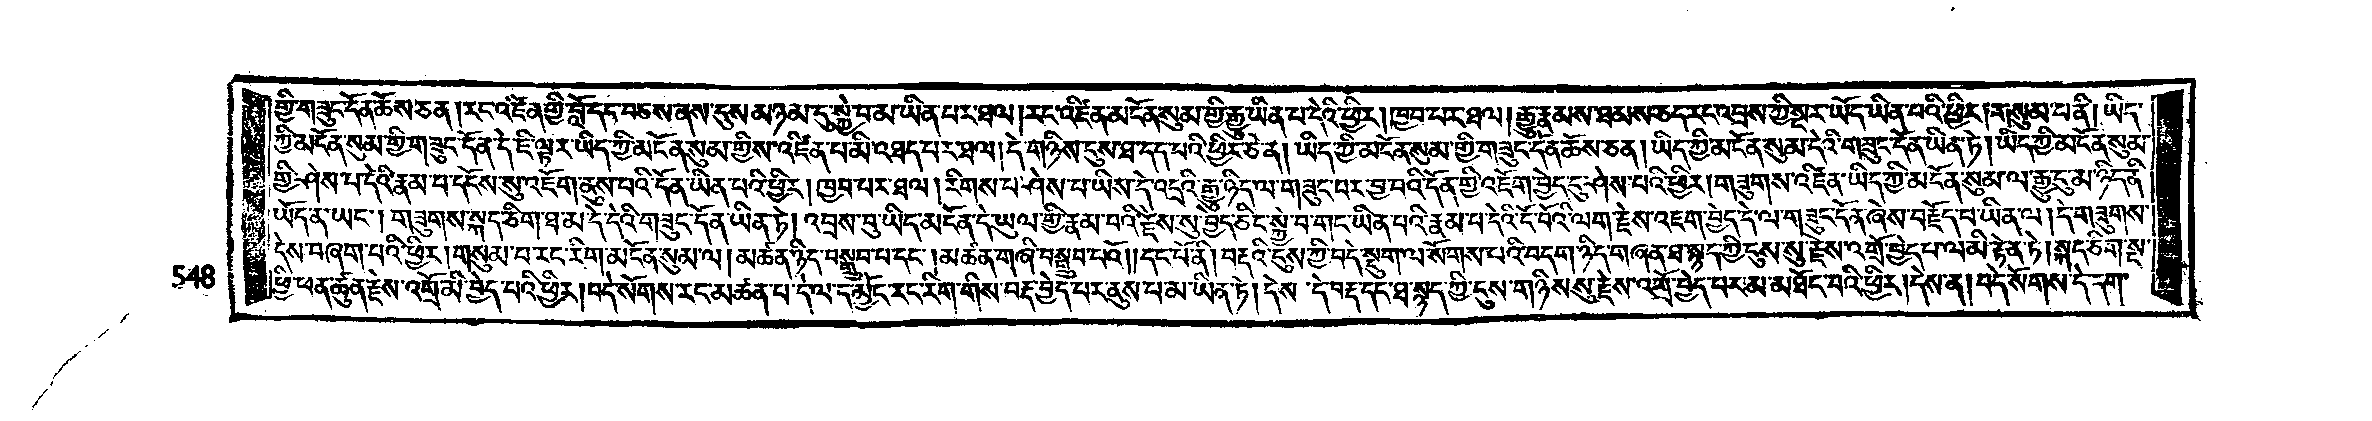གྱི་གཟུང་དོན་ཆོས་ཅན། རང་འཛིན་གྱི་བློ་དང་བཅས་ནས་དུས་མཉམ་དུ་སྐྱེ་བ་མ་ཡིན་པར་ཐལ། རང་འཛིན་མངོན་སུམ་གྱི་རྒྱུ་ཡིན་པ་དེའི་ཕྱིར། ཁྱབ་པར་ཐལ། རྒྱུ་རྣམས་ཐམས་ཅད་རང་འབྲས་ཀྱི་སྔར་ཡོད་ཡིན་པའི་ཕྱིར། གསུམ་པ་ནི། ཡིད་
ཀྱི་མངོན་སུམ་གྱི་གཟུང་དོན་དེ་ཇི་ལྟར་ཡིད་ཀྱི་མངོན་སུམ་གྱིས་འཛིན་པ་མི་འཐད་པར་ཐལ། དེ་གཉིས་དུས་ཐ་དད་པའི་ཕྱིར་ཅེ་ན། ཡིད་ཀྱི་མངོན་སུམ་གྱི་གཟུང་དོན་ཆོས་ཅན། ཡིད་ཀྱི་མངོན་སུམ་དེའི་གཟུང་དོན་ཡིན་ཏེ། ཡིད་ཀྱི་མངོན་སུམ་
གྱི་ཤེས་པ་དེའི་རྣམ་པ་དངོས་སུ་འཇོག་ནུས་པའི་དོན་ཡིན་པའི་ཕྱིར། ཁྱབ་པར་ཐལ། རིགས་པ་ཤེས་པ་ཡིས་དེ་འདྲའི་རྒྱུ་ཉིད་ལ་གཟུང་བར་བྱ་བའི་དོན་གྱི་འཇོག་བྱེད་དུ་ཤེས་པའི་ཕྱིར། གཟུགས་འཛིན་ཡིད་ཀྱི་མངོན་སུམ་ལ་རྒྱུ་དུ་མ་ཉིད་ནི་
ཡོད་ན་ཡང་། གཟུགས་སྐད་ཅིག་ཐ་མ་དེ་དེའི་གཟུང་དོན་ཡིན་ཏེ། འབྲས་བུ་ཡིད་མངོན་དེ་ཡུལ་གྱི་རྣམ་པའི་རྗེས་སུ་བྱེད་ཅིང་སྐྱེ་བ་གང་ཡིན་པའི་རྣམ་པ་དེའི་ངོ་བོའི་ལག་རྗེས་འཇག་བྱེད་དེ་ལ་གཟུང་དོན་ཞེས་བརྗོད་པ་ཡིན་ལ། དེ་གཟུགས་
དེས་བཞག་པའི་ཕྱིར། གསུམ་པ་རང་རིག་མངོན་སུམ་ལ། མཚན་ཉིད་བསྒྲུབ་པ་དང་། མཚན་གཞི་བསྒྲུབ་པའོ། །དང་པོ་ནི། བརྡའི་དུས་ཀྱི་བདེ་སྡུག་ལ་སོགས་པའི་བདག་ཉིད་གཞན་ཐ་སྙད་ཀྱི་དུས་སུ་རྗེས་འགྲོ་བྱེད་པ་ལ་མི་རྟེན་ཏེ། སྐད་ཅིག་སྔ་
ཕྱི་ཕན་ཚུན་རྗེས་འགྲོ་མི་བྱེད་པའི་ཕྱིར། བདེ་སོགས་རང་མཚན་པ་དེ་ལ་ད་མྱོང་རང་རིག་གིས་བརྡ་བྱེད་པར་ནུས་པ་མ་ཡིན་ཏེ། དེས་དེ་བརྡ་དང་ཐ་སྙད་ཀྱི་དུས་གཉིས་སུ་རྗེས་འགྲོ་བྱེད་པར་མ་མཐོང་བའི་ཕྱིར། དེས་ན། བདེ་སོགས་དེ་དག་